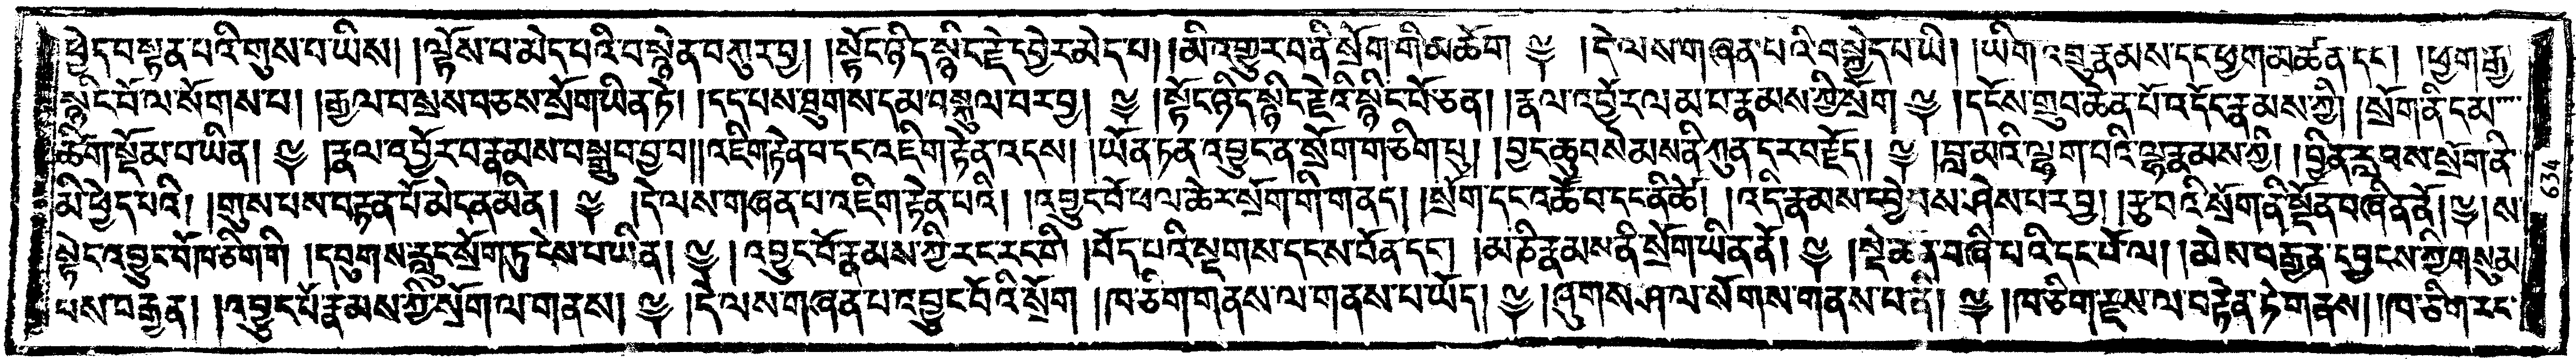ཕྱེད་བསྟན་པའི་གུས་པ་ཡིས། །ལྟོས་པ་མེད་པའི་བསྙེད་བསྐུར་བྱ། །སྟོང་ཉིད་སྙིང་རྗེ་དབྱེར་མེད་པ། །མི་འགྱུར་བ་ནི་སྲོག་གི་མཆོག ༈ །དེ་ལས་གཞན་པའི་བསྐྱེད་པ་ཡི། །ཡིག་འབྲུ་རྣམས་དང་ཕྱག་མཚན་དང་། །ཕྱག་རྒྱ་
སྙིང་བོ་སོགས་པ། །རྒྱལ་བ་སྲས་བཅས་སྲོག་ཡིན་ཏེ། །དད་པས་ཐུགས་དམ་བསྐུལ་བར་བྱ། ༈ །སྟོང་ཉིད་སྙིང་རྗེའི་སྙིང་པོ་ཅན། །རྣལ་འབྱོར་ལམ་པ་རྣམས་ཀྱི་སྲོག ༈ །དངོས་གྲུབ་ཆེན་པོ་འདོང་རྣམས་ཀྱི། །སྲོག་ནི་དམ་
ཚིག་སྡོམ་པ་ཡིན། ༈ །རྣལ་འབྱོར་པ་རྣམས་བསྒྲུབ་བྱ་བ། །འཇིག་རྟེན་པ་དང་འཇིག་རྟེན་འདས། །ཡོན་ཏན་འབྱུར་ན་སྲོག་གཅིག་པུ། །བྱང་ཆུབ་སེམས་ནི་ཀུན་དར་བརྗོད། ༈ །བླ་མའི་ལྷག་པའི་ལྷ་རྣམས་ཀྱི། །བྱིན་རླབས་སྲོག་ནི་
མི་ཕྱེད་པའི། །གུས་པས་བརྟན་པོ་མེད་ན་མིན། ༈ །དེ་ལས་གཞན་པ་འཇིག་རྟེན་པའི། །འབྱུང་པོ་ཕལ་ཆེར་སྲོག་གི་གནང་། །སྲོག་དང་འཚོ་བ་དང་ནི་ཚེ། །འདི་རྣམས་དབྱེབས་ཤེས་པར་བྱ། །རྩ་བའི་སྲོག་ནི་སྔོན་བཞིན་ནོ། ༈ །ས་
སྟེང་འབྱུང་པོ་ཁ་ཅིག་གི །དབུགས་རླུང་སྲོག་ཏུ་ངེས་པ་ཡིན། ༈ །འབྱུང་པོ་རྣམས་ཀྱི་རང་རང་གི། །བོད་པའི་སྔགས་དང་ས་བོན་དང་། །མ་ཎི་རྣམས་ནི་སྲོག་ཡིན་ནོ། ༈ །སྡེ་ཚན་བཞི་བའི་དང་བོ་ལ། །མེས་བ་རྒྱན་དབྱངས་ཀྱི་གསུམ་
པས་བརྒྱན། །འབྱུང་བོ་རྣམས་ཀྱི་སྲོག་ལ་གནས། ༈ །དེ་ལས་གཞན་པ་འབྱུང་བོའི་སྲོག །ཁ་ཅིག་གནས་ལ་གནས་པ་ཡོད། ༈ །ཞུགས་ཤལ་སོགས་གནས་པ་ནི། ༈ །ཁ་ཅིག་རྫས་ལ་བརྟེན་ཏེ་གནས། །ཁ་ཅིག་རང་